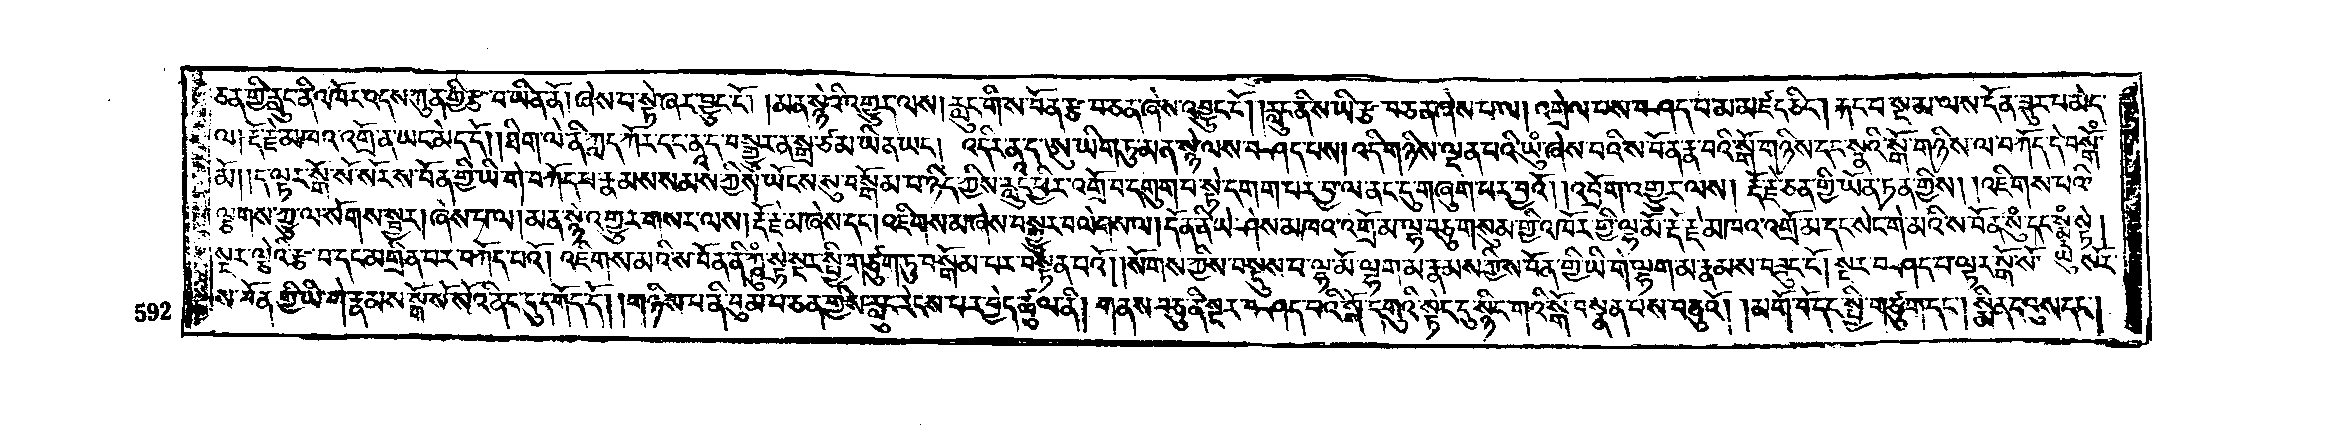ཅན་གྱི་རླུང་ནི་འཁོར་འདས་ཀུན་གྱི་རྩ་བ་ཡིན་ནོ། ཞེས་པ་སྟེ་ཞར་བྱུང་ངོ། །མན་སྙེའི་འགྱུར་ལས། རླུང་གི་ས་བོན་རྩ་བ་ཅན་ཞེས་འབྱུང་ངོ། །རླུང་ནི་ས་ཡི་རྩ་བ་ཅན་ཞེས་པ་ལ། འགྲེལ་པས་བཤད་པ་མ་མཛད་ཅིང་། རྐང་པ་སྔ་མ་ལས་དོན་ཟུར་པ་མེད་
ལ། རྡོ་རྗེ་མཁའ་འགྲོ་ན་ཡང་མེད་དོ། །ཐིག་ལེ་ནི་ཀླད་ཀོར་དང་ནཱ་ད་བསྒྱུར་ན་སྒྲ་ཙམ་ཡིན་ཡང་། འདིར་ནཱ་ད་ཨུ་ཡིག་ཏུ་མན་སྙེ་ལས་བཤད་པས། འདི་གཉིས་ལྡན་པའི་ཡུཾ་ཞེས་པའི་ས་བོན་རྣ་བའི་སྒོ་གཉིས་དང་སྣའི་སྒོ་གཉིས་ལ་བཀོད་དེ་བསྒོཾ་
མོ། །དེ་ལྟར་སྒོ་སོ་སོར་ས་བོན་གྱི་ཡི་གེ་བཀོད་པ་རྣམས་སེམས་ཀྱིས་ཡོངས་སུ་བསྒོམ་པ་ཉིད་ཀྱིས་རླུང་ཕྱིར་འགྲོ་བ་དགུག་པ་སྟེ་དགག་པར་བྱ་ལ་ནང་དུ་གཞུག་པར་བྱའོ། །འབྲོག་འགྱུར་ལས། རྡོ་རྗེ་ཅན་གྱི་ཡོན་ཏན་གྱིས། །འཇིགས་པའི་
ལྕགས་ཀྱུ་ལ་སོགས་སྦྱར། ཞེས་པ་ལ། མན་སྙེ་འགྱུར་གསར་ལས། རྡོ་རྗེ་མ་ཞེས་དང་། འཇིགས་མ་ཞེས་བསྒྱུར་བ་ལེགས་ལ། དོན་ནི་ཡེ་ཤེས་མཁའ་འགྲོ་མ་ལྷ་བཅུ་གསུམ་གྱི་འཁོར་གྱི་ལྷ་མོ་རྡོ་རྗེ་མཁའ་འགྲོ་མ་དང་སེང་གེ་མའི་ས་བོན་སུཾ་དང་སྨྲཾ་སྟེ།
སྔར་ལྕེའི་རྩ་བ་དང་མགྲིན་པར་བཀོད་པའོ། འཇིགས་མའི་ས་བོན་ནི་ཀྵུཾ་སྟེ་སྔར་སྤྱི་གཙུག་ཏུ་བསྒོམ་པར་བསྟེན་པའོ། །སོགས་ཀྱིས་བསྡུས་པ་ལྷ་མོ་ལྷག་མ་རྣམས་ཀྱི་ས་བོན་གྱི་ཡི་གེ་ལྷག་མ་རྣམས་བཟུང་ངོ། །སྔར་བཤད་པ་ལྟར་སྒོ་སོ་ཡུ་སོར་
ས་བོན་གྱི་ཡི་གེ་རྣམས་སྒོ་སོ་སོའི་ནང་དུ་དགོད་དོ། །གཉིས་པ་ནི་བུམ་པ་ཅན་གྱིས་རླུང་རེངས་པར་བྱེད་ཚུལ་ནི། གནས་བཅུ་ནི་སྔར་བཤད་པའི་སྒོ་དགུའི་སྟེང་དུ་སྙིང་གའི་སྒོ་བསྣན་པས་བཅུའོ། །མགོ་བོ་དང་སྤྱི་གཙུག་དང་། སྨིན་དབུས་དང་།